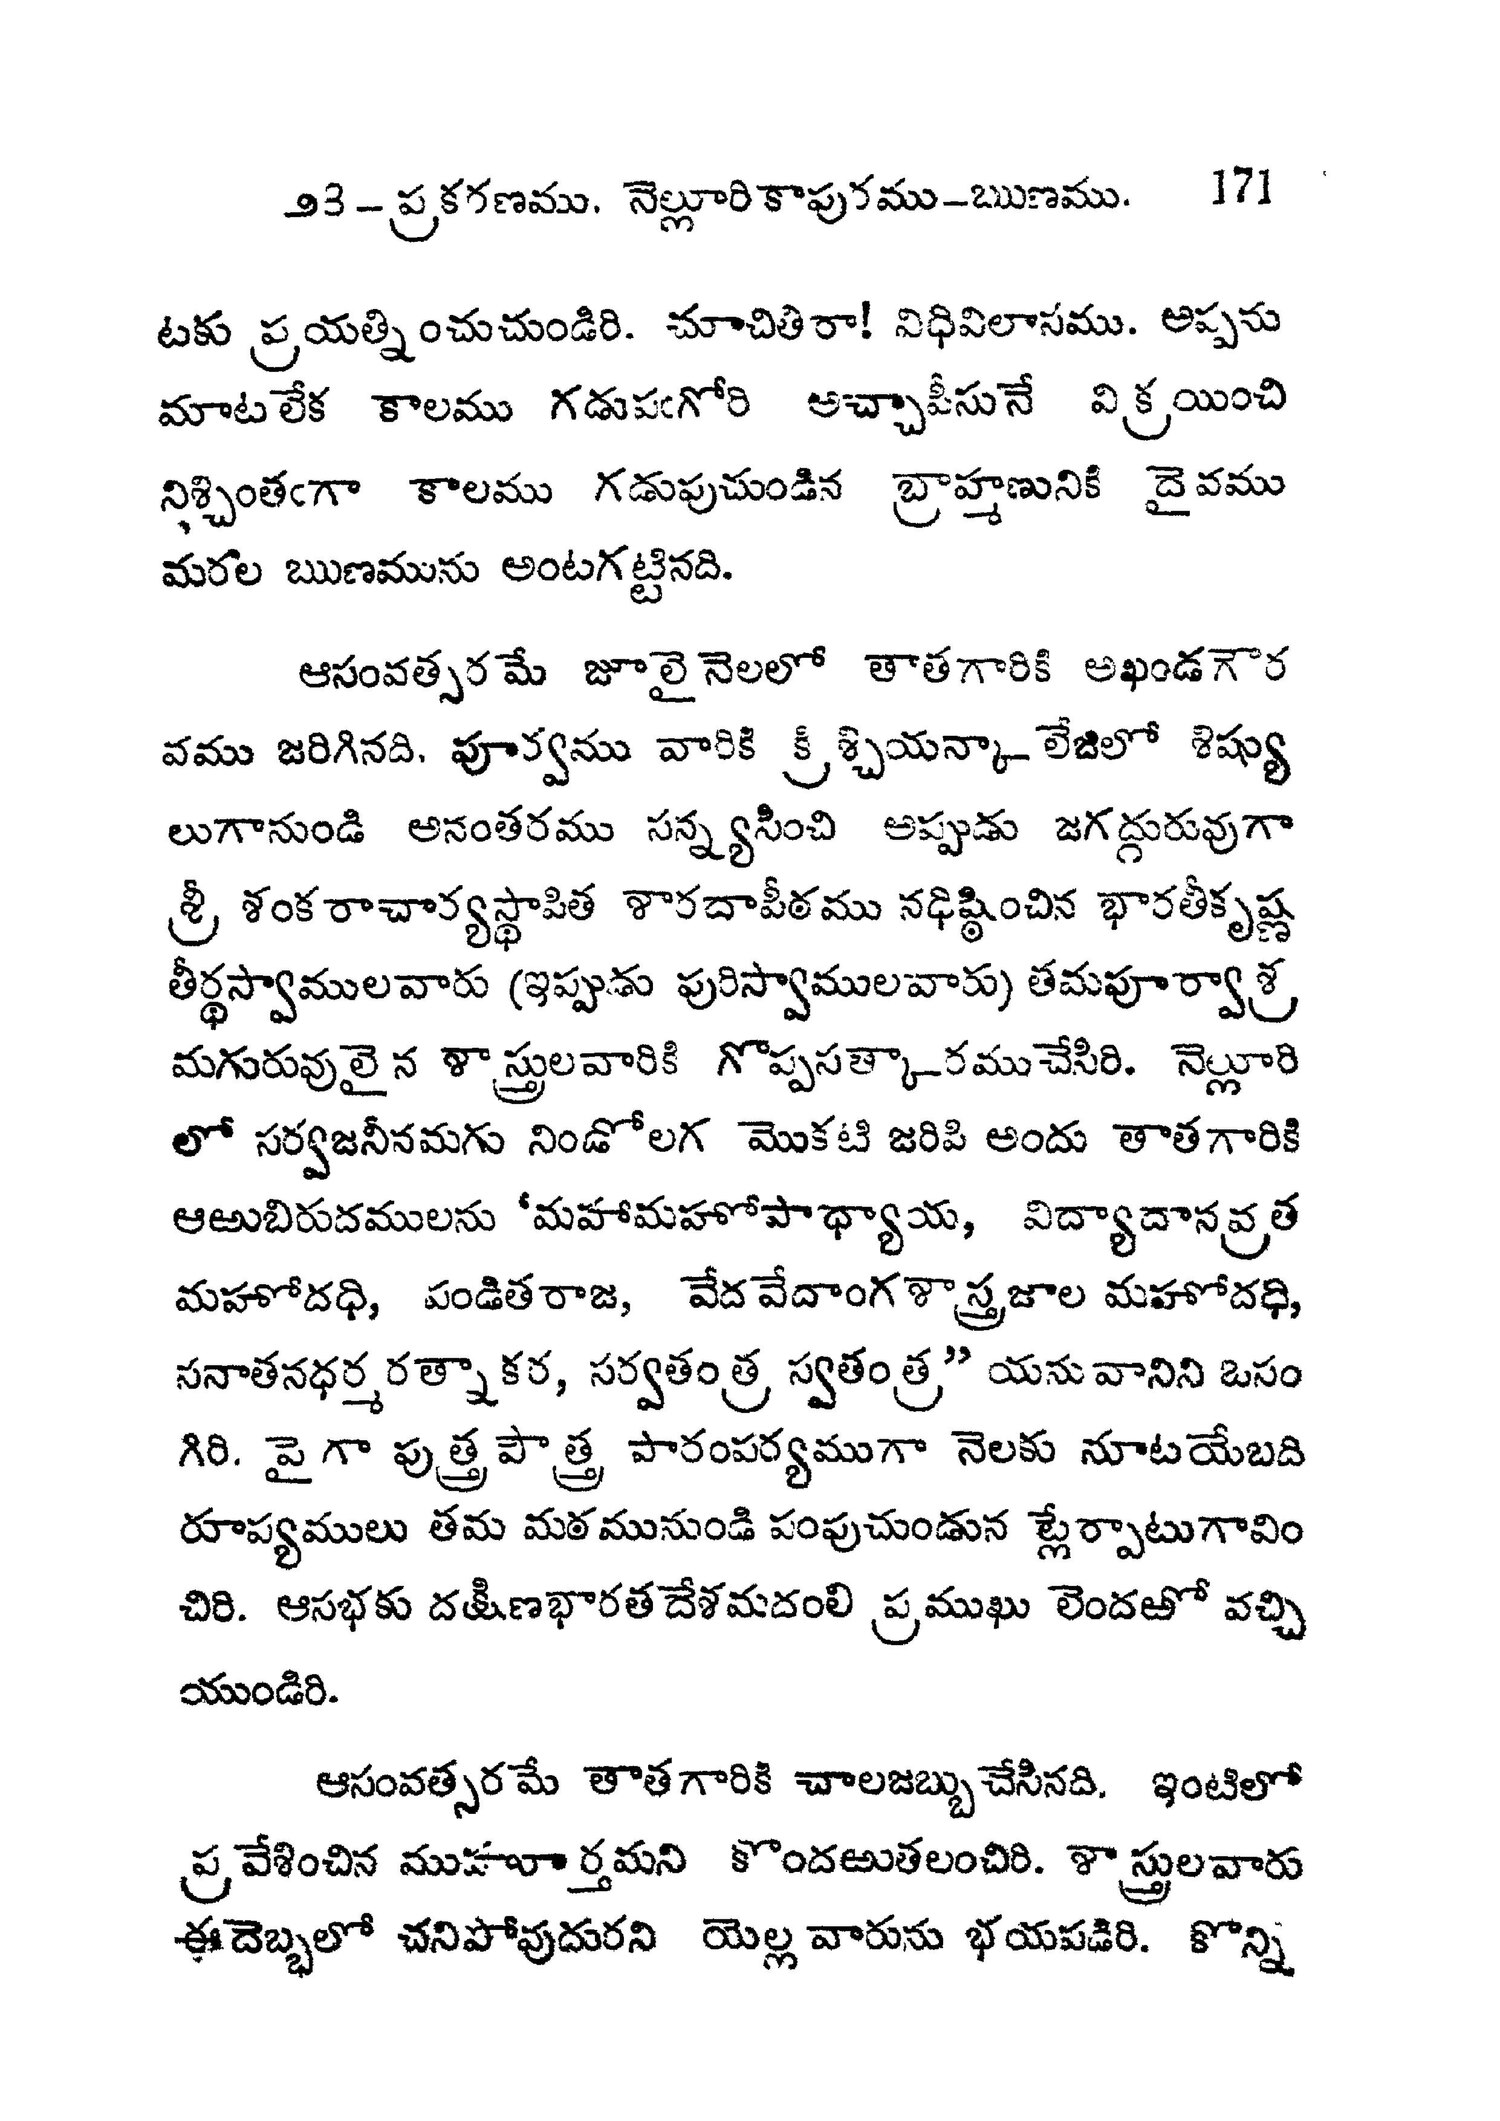టకు ప్రయత్నించు చుండిరి. చూచితిరా! విధివిలాసము. అప్పను మాటలేక కాలము గడుపగోరి అచ్చాపీసునే విక్రయించి నిశ్చింతగా కాలము గడుపుచుండిన భ్రాహ్మణునికి దైవము మరల ఋణమును అంటగట్టినది.

ఆసంవత్సరమే జూలైనెలలో తాతగారికి అఖండగౌరవము జరిగినది. పూర్వము వారికి క్రిశ్చియన్కాలేజిలో శిష్యులుగా నుండి అనంతరము సన్న్యసించి అప్పుడు జగద్గురువుగా శ్రీ శంకరాచార్యస్థాపిత శారదాపీఠము నధిష్ఠించిన భారతీకృష్ణ తీర్థస్వాములవారు (ఇప్పుడు పురిస్వాములవారు) తమపూర్వాశ్రమ గురువులైన శాస్త్రులవారికి గొప్పసత్కారముచేసిరి. నెల్లూరిలో సర్వజనీనమగు నిండోలగ మొకటి జరిపి అందు తాతగారికి ఆఱుబిరుదములను 'మహామహోపాథ్యాయ, విద్యాదానవ్రత మహోదధి, పండితరాజ, వేదవేదాంగశాస్త్రజాల మహోదధి, సనాతనధర్మరత్నాకర, సర్వతంత్ర స్వతంత్ర" యను వానిని ఒసంగిరి. పైగా పుత్త్రపౌత్త్ర పారంపర్యముగా నెలకు నూటయేబది రూప్యములు తమ మఠమునుండి పంపుచుండున ట్లేర్పాటు గావించిరి. ఆసభకు దక్షిణ భారతదేశమందలి ప్రముఖు లెందఱో వచ్చియుండిరి.

ఆసంవత్సరమే తాతగారికి చాలజబ్బు చేసినది. ఇంటిలో ప్రవేశించిన ముహూర్తమని కొందఱు తలంచిరి. శాస్త్రులవారు ఈదెబ్బలో చనిపోవుదురని యెల్ల వారును భయపడిరి. కొన్ని